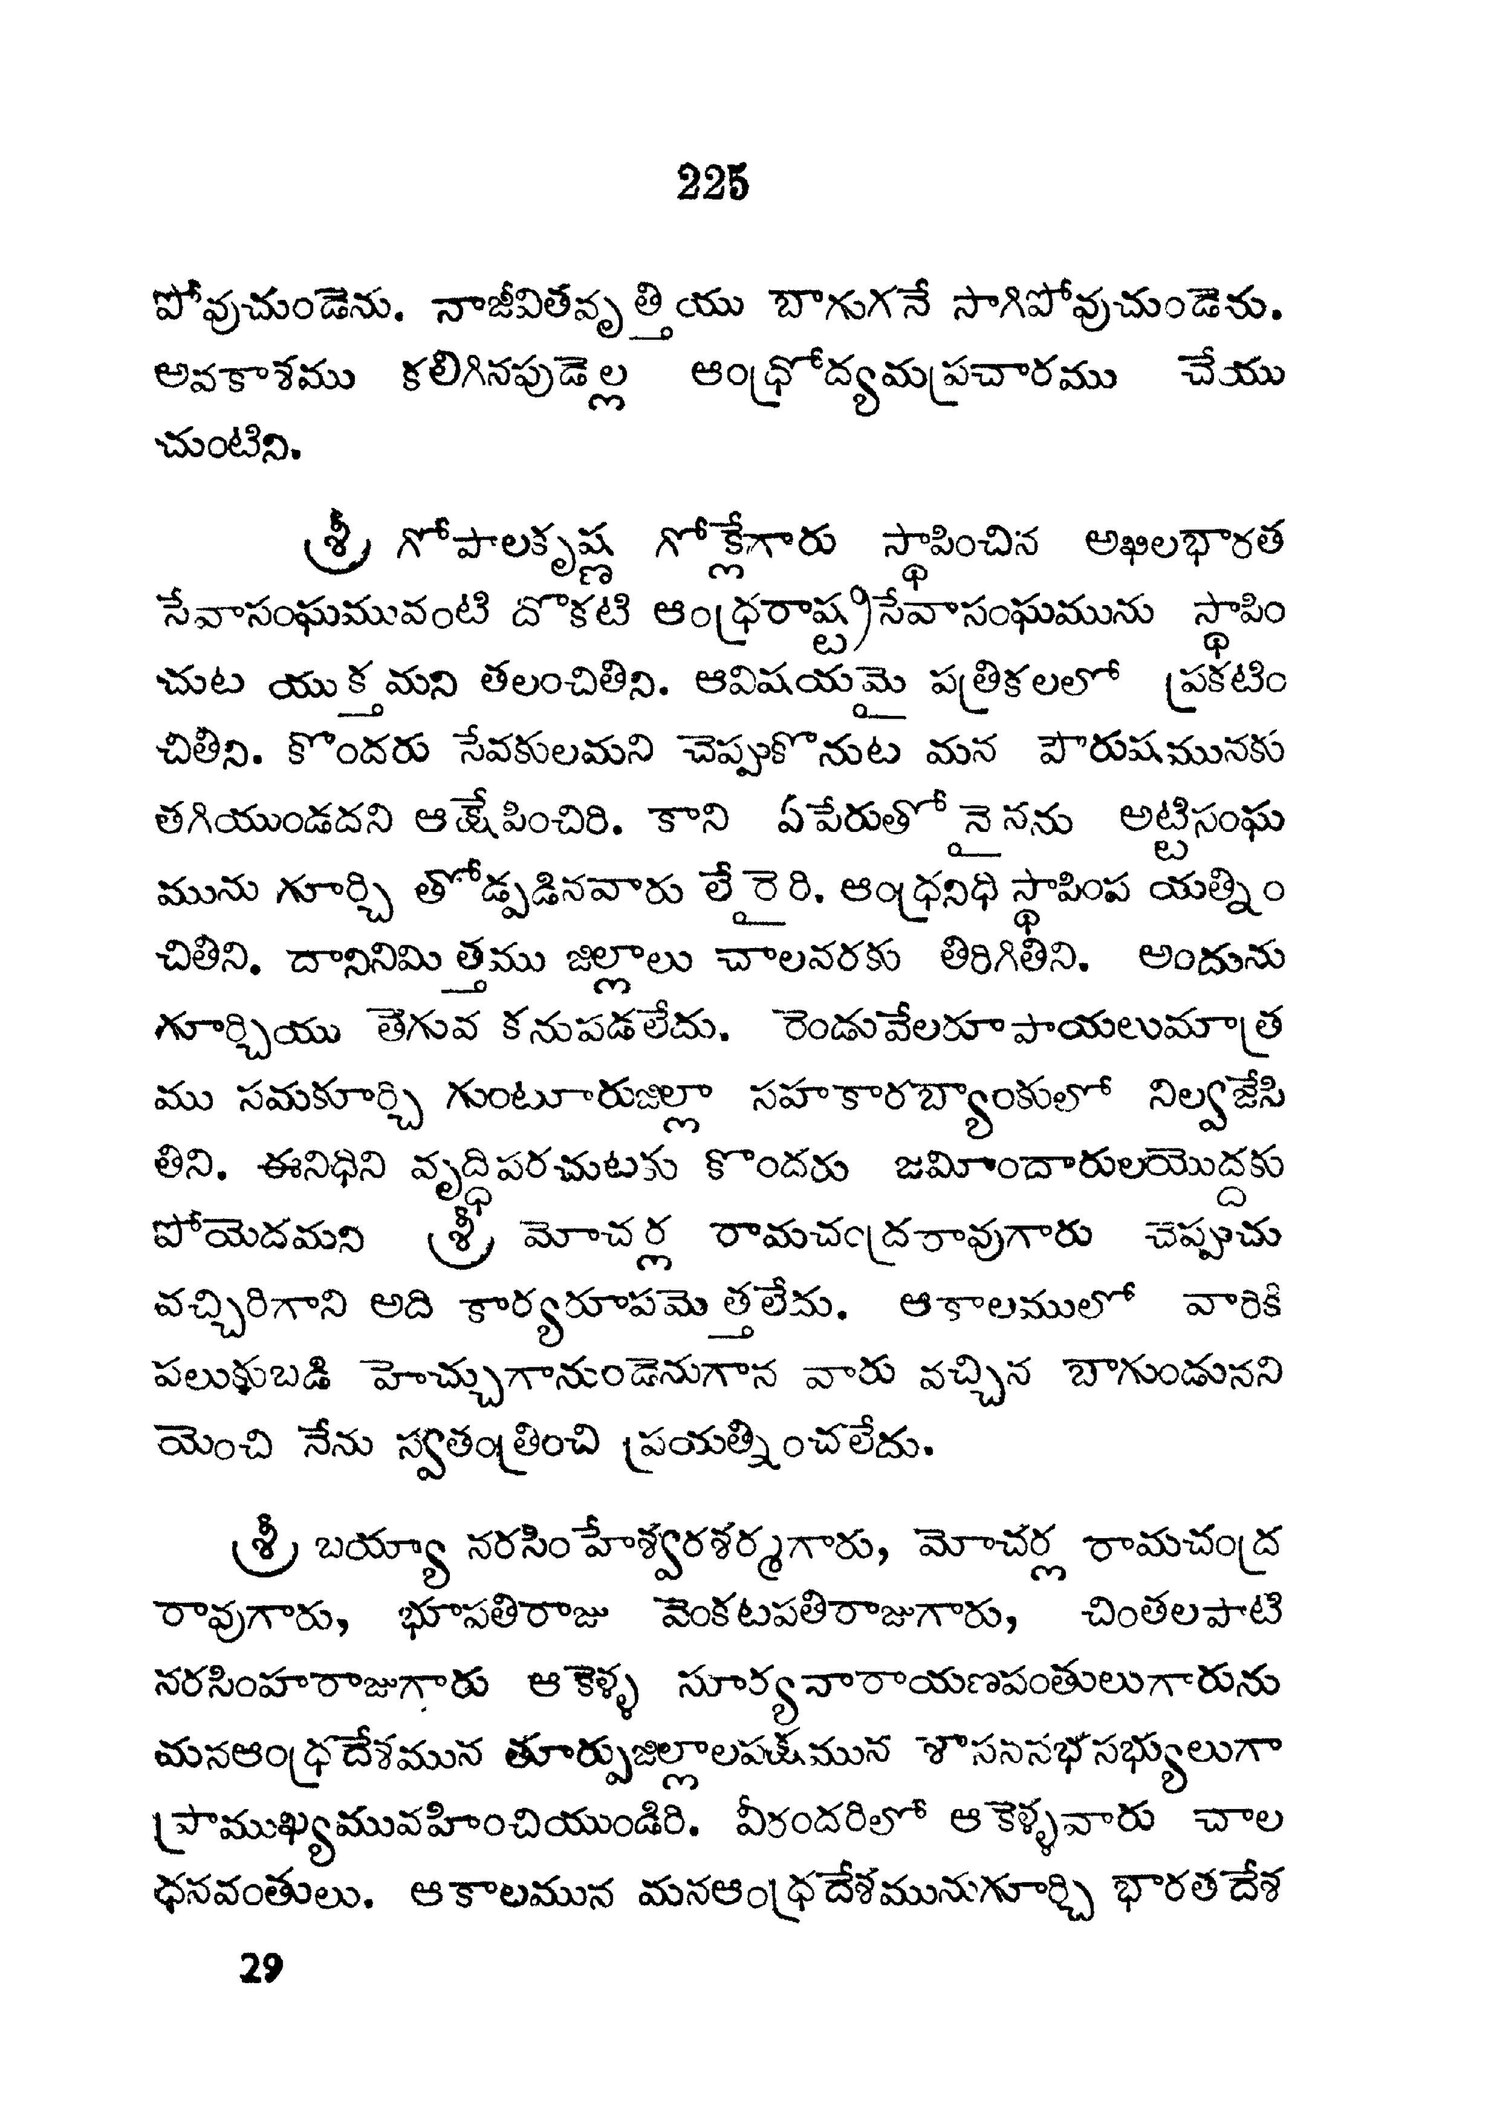పోవుచుండెను. నాజీవితవృత్తియు బాగుగనే సాగిపోవుచుండెను. అవకాశము కలిగినపుడెల్ల ఆంధ్రోద్యమప్రచారము చేయుచుంటిని.

శ్రీ గోపాలకృష్ణ గోక్లేగారు స్థాపించిన అఖిలభారత సేవాసంఘమువంటి దొకటి ఆంధ్రరాష్ట్రసేవాసంఘమును స్థాపించుట యుక్తమని తలంచితిని. ఆవిషయమై పత్రికలలో ప్రకటించితిని. కొందరు సేవకులమని చెప్పుకొనుట మన పౌరుషమునకు తగియుండదని ఆక్షేపించిరి. కాని ఏపేరుతోనైనను అట్టిసంఘమునుగూర్చి తోడ్పడినవారు లేరైరి. ఆంధ్రనిధిస్థాపింప యత్నించితిని. దానినిమిత్తము జిల్లాలు చాలవరకు తిరిగితిని. అందును గూర్చియు తెగువ కనపడలేదు. రెండువేలరూపాయలు మాత్రము సమకూర్చి గుంటూరుజిల్లా సహకారబ్యాంకులో నిల్వజేసితిని. ఈనిధిని వృద్ధిపరచుటకు కొందరు జమీందారులయొద్దకు పోయెదమని శ్రీ మోచర్ల రామచంద్రరావుగారు చెప్పుచువచ్చిరిగాని అది కార్యరూపమెత్తలేదు. ఆకాలములో వారికి పలుకుబడి హెచ్చుగానుండెనుగాన వారు వచ్చిన బాగుండునని యెంచి నేను స్వతంత్రించి ప్రయత్నించలేదు.

శ్రీ బయ్యా నరసింహేశ్వరశర్మగారు, మోచర్ల రామచంద్రరావుగారు, భూపతిరాజు వెంకటపతిరాజుగారు, చింతలపాటి నరసింహరాజుగారు ఆకెళ్ళ సూర్యనారాయణపంతులుగారును మనఆంధ్రదేశమున తూర్పుజిల్లాలపక్షమున శాసనసభసభ్యులుగా ప్రాముఖ్యమువహించియుండిరి. వీరందరిలో ఆకెళ్ళవారు చాల ధనవంతులు. ఆకాలమున మనఆంధ్రదేశమునుగూర్చి భారతదేశ